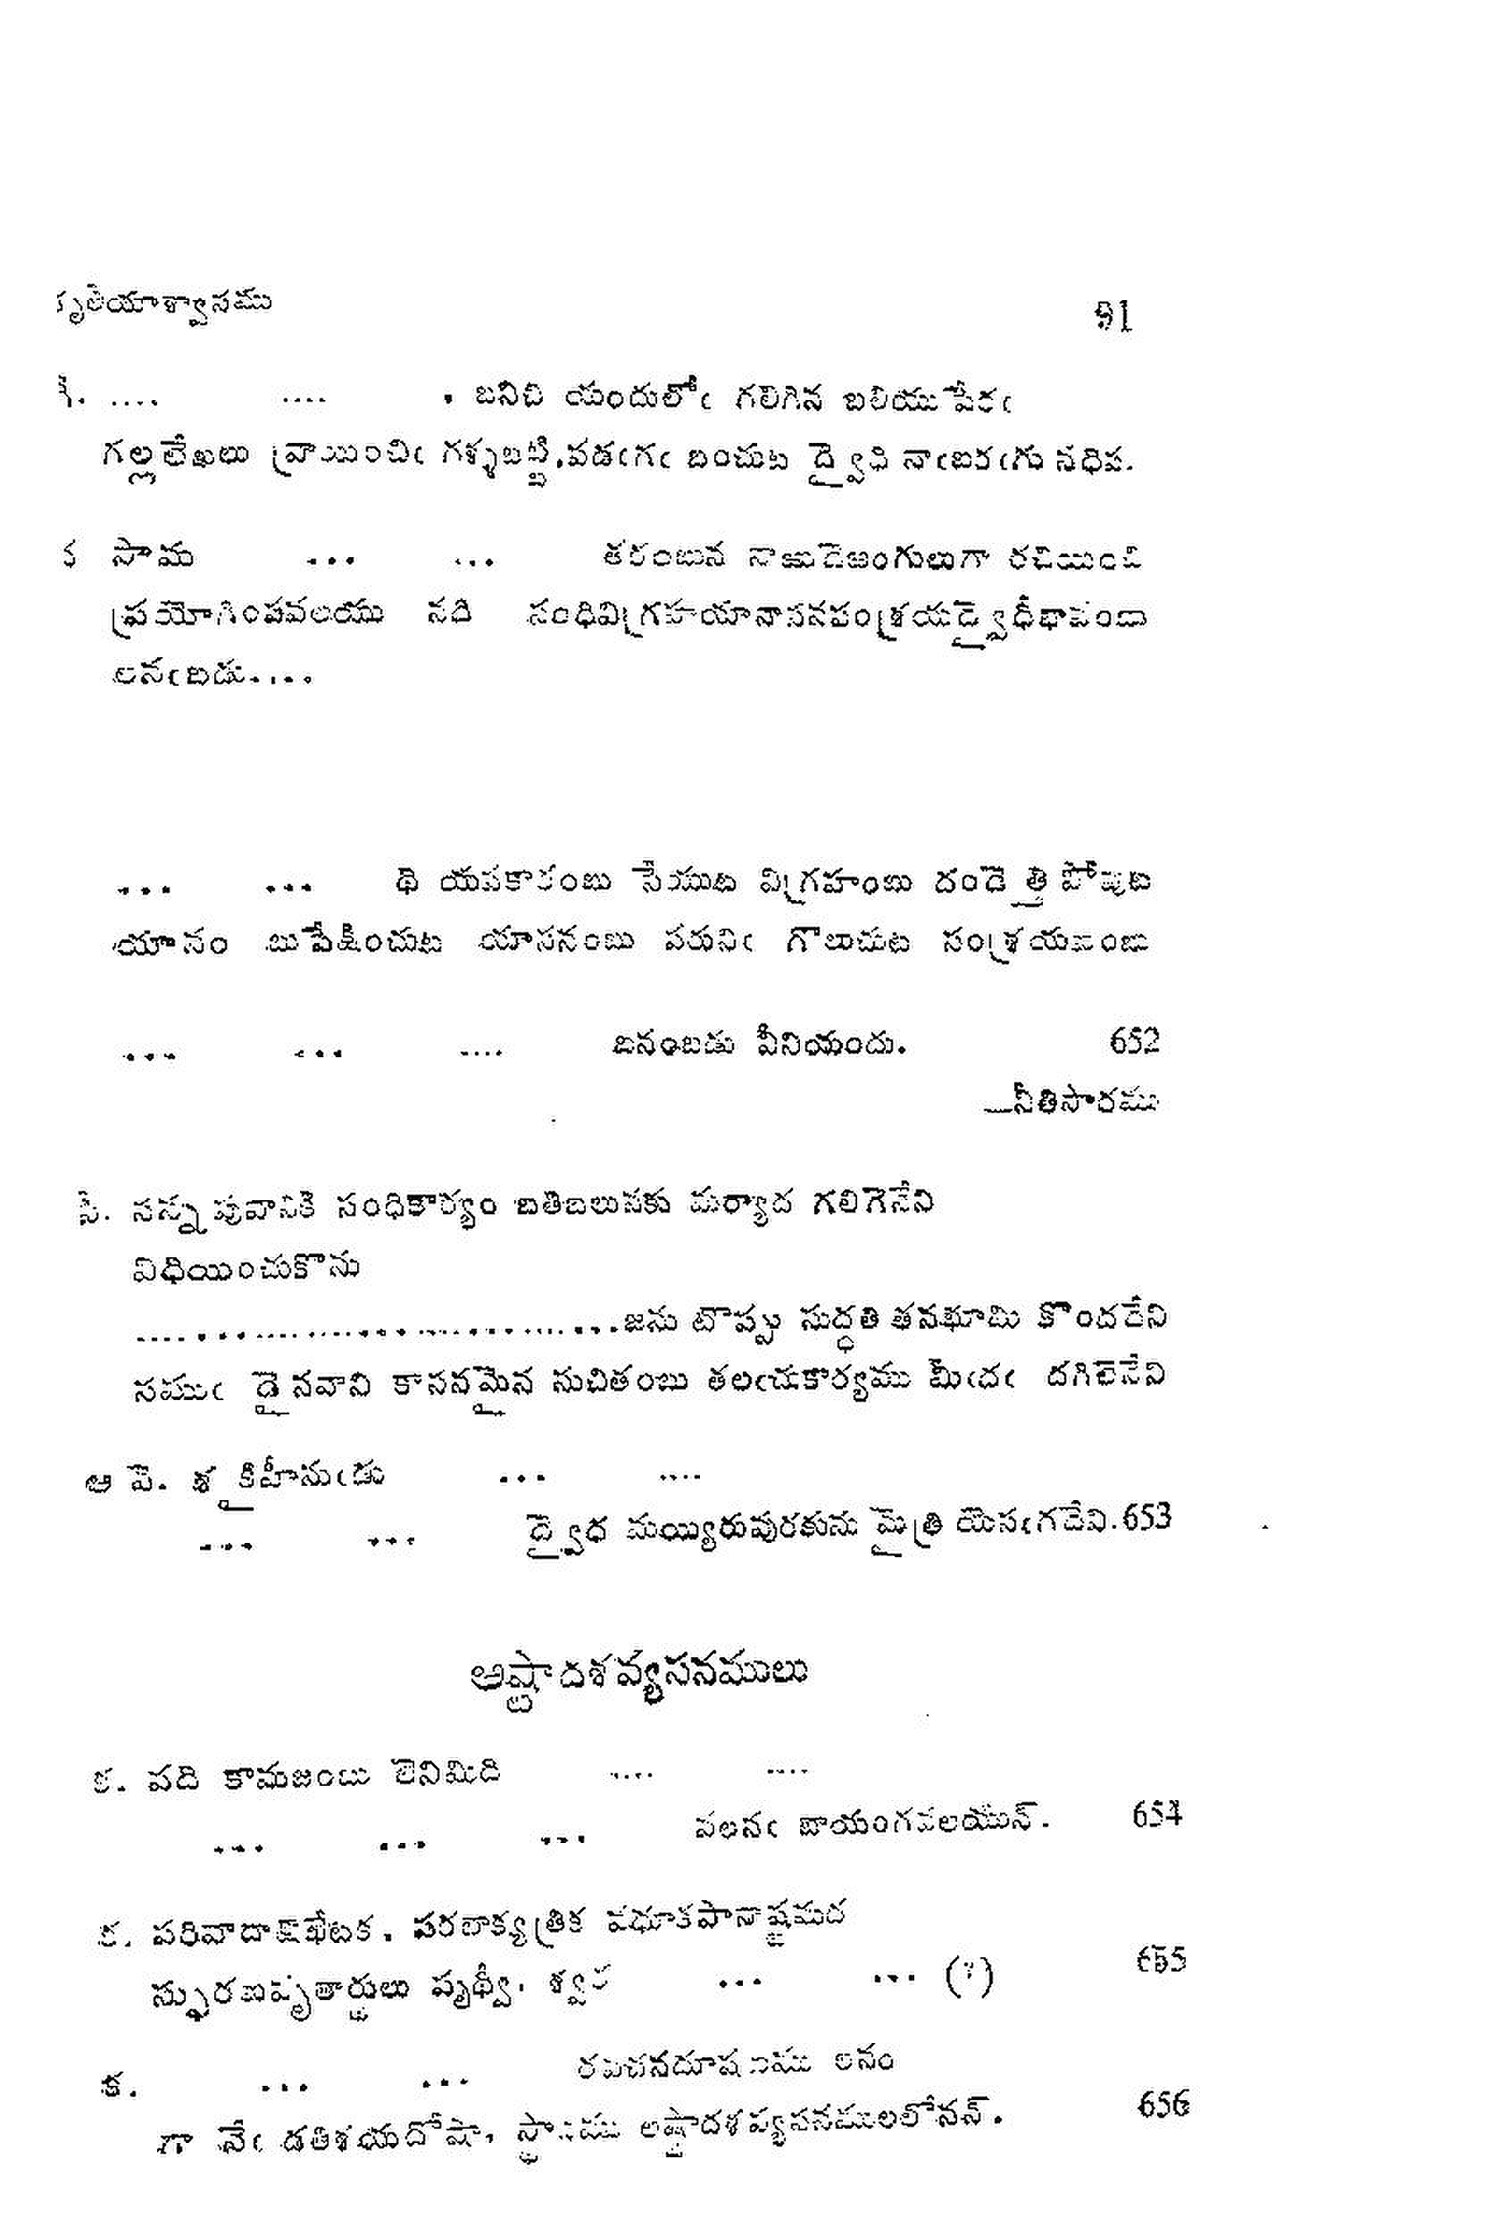గీ. .......................................
బనచి యందులోఁ గలిగిన బలియుపేరఁ
గల్లలేఖలు వ్రాయించిఁ గళ్ళబట్టి
వడఁగఁ బంచుట ద్వైధి నాఁబరఁగు నధిప. 651

వ. సామ ............ ..................తరంబున నాఱుదెఱుంగులుగా రచియించి ప్రయోగింపవలయు నది సంధివిగ్రహయానాసనసంశ్రయద్వైధీభావంబు లనఁబడు ....................
........ ..................... థి యపకారంబు సేయుట విగ్రహంబు దండెత్తుపోవుట యానం బుపేక్షించుట యాసనంబు పరునిఁ గొలుచుట సంశ్రయణంబు .......... .................. బనంబడు నీనియందు. 652

సీ. సన్నపువానికి సంధికార్యం బతి
బలునకు మర్యాద గలిగెనేని
విధియించుకొను .....................
.....................................
..................................జను టొప్పు
నుద్ధతి తనభూమి కొందదేని
సముఁ డైనవాని కాసనమైన నుచితంబు
తలఁచుకార్యము మీఁదఁ దగిలెనేని
ఆ. శక్తిహీనుండు...................................
.....................................................
.....................................................
ద్వైధ మయ్యిరువురకును మైత్రి యెసఁగదేని. 653

క. పది కామజంబు లెనిమిది
.......................................................
....................................
..................వలవఁ బాయంగవలయున్. 654

క. పరివాదాక్షాఖేటక
పరబాక్యత్రిక వధూకపానాష్టమద
స్ఫురణవృతార్థులు పృథ్వీ
శ్వర ..... ................ ............. (?) 655

క. ..........................
..............రవచనదూషణము లనం
గా నేఁ డతిశయదోషా
స్థానము లష్టాదశవ్యసనములలోనన్. 656